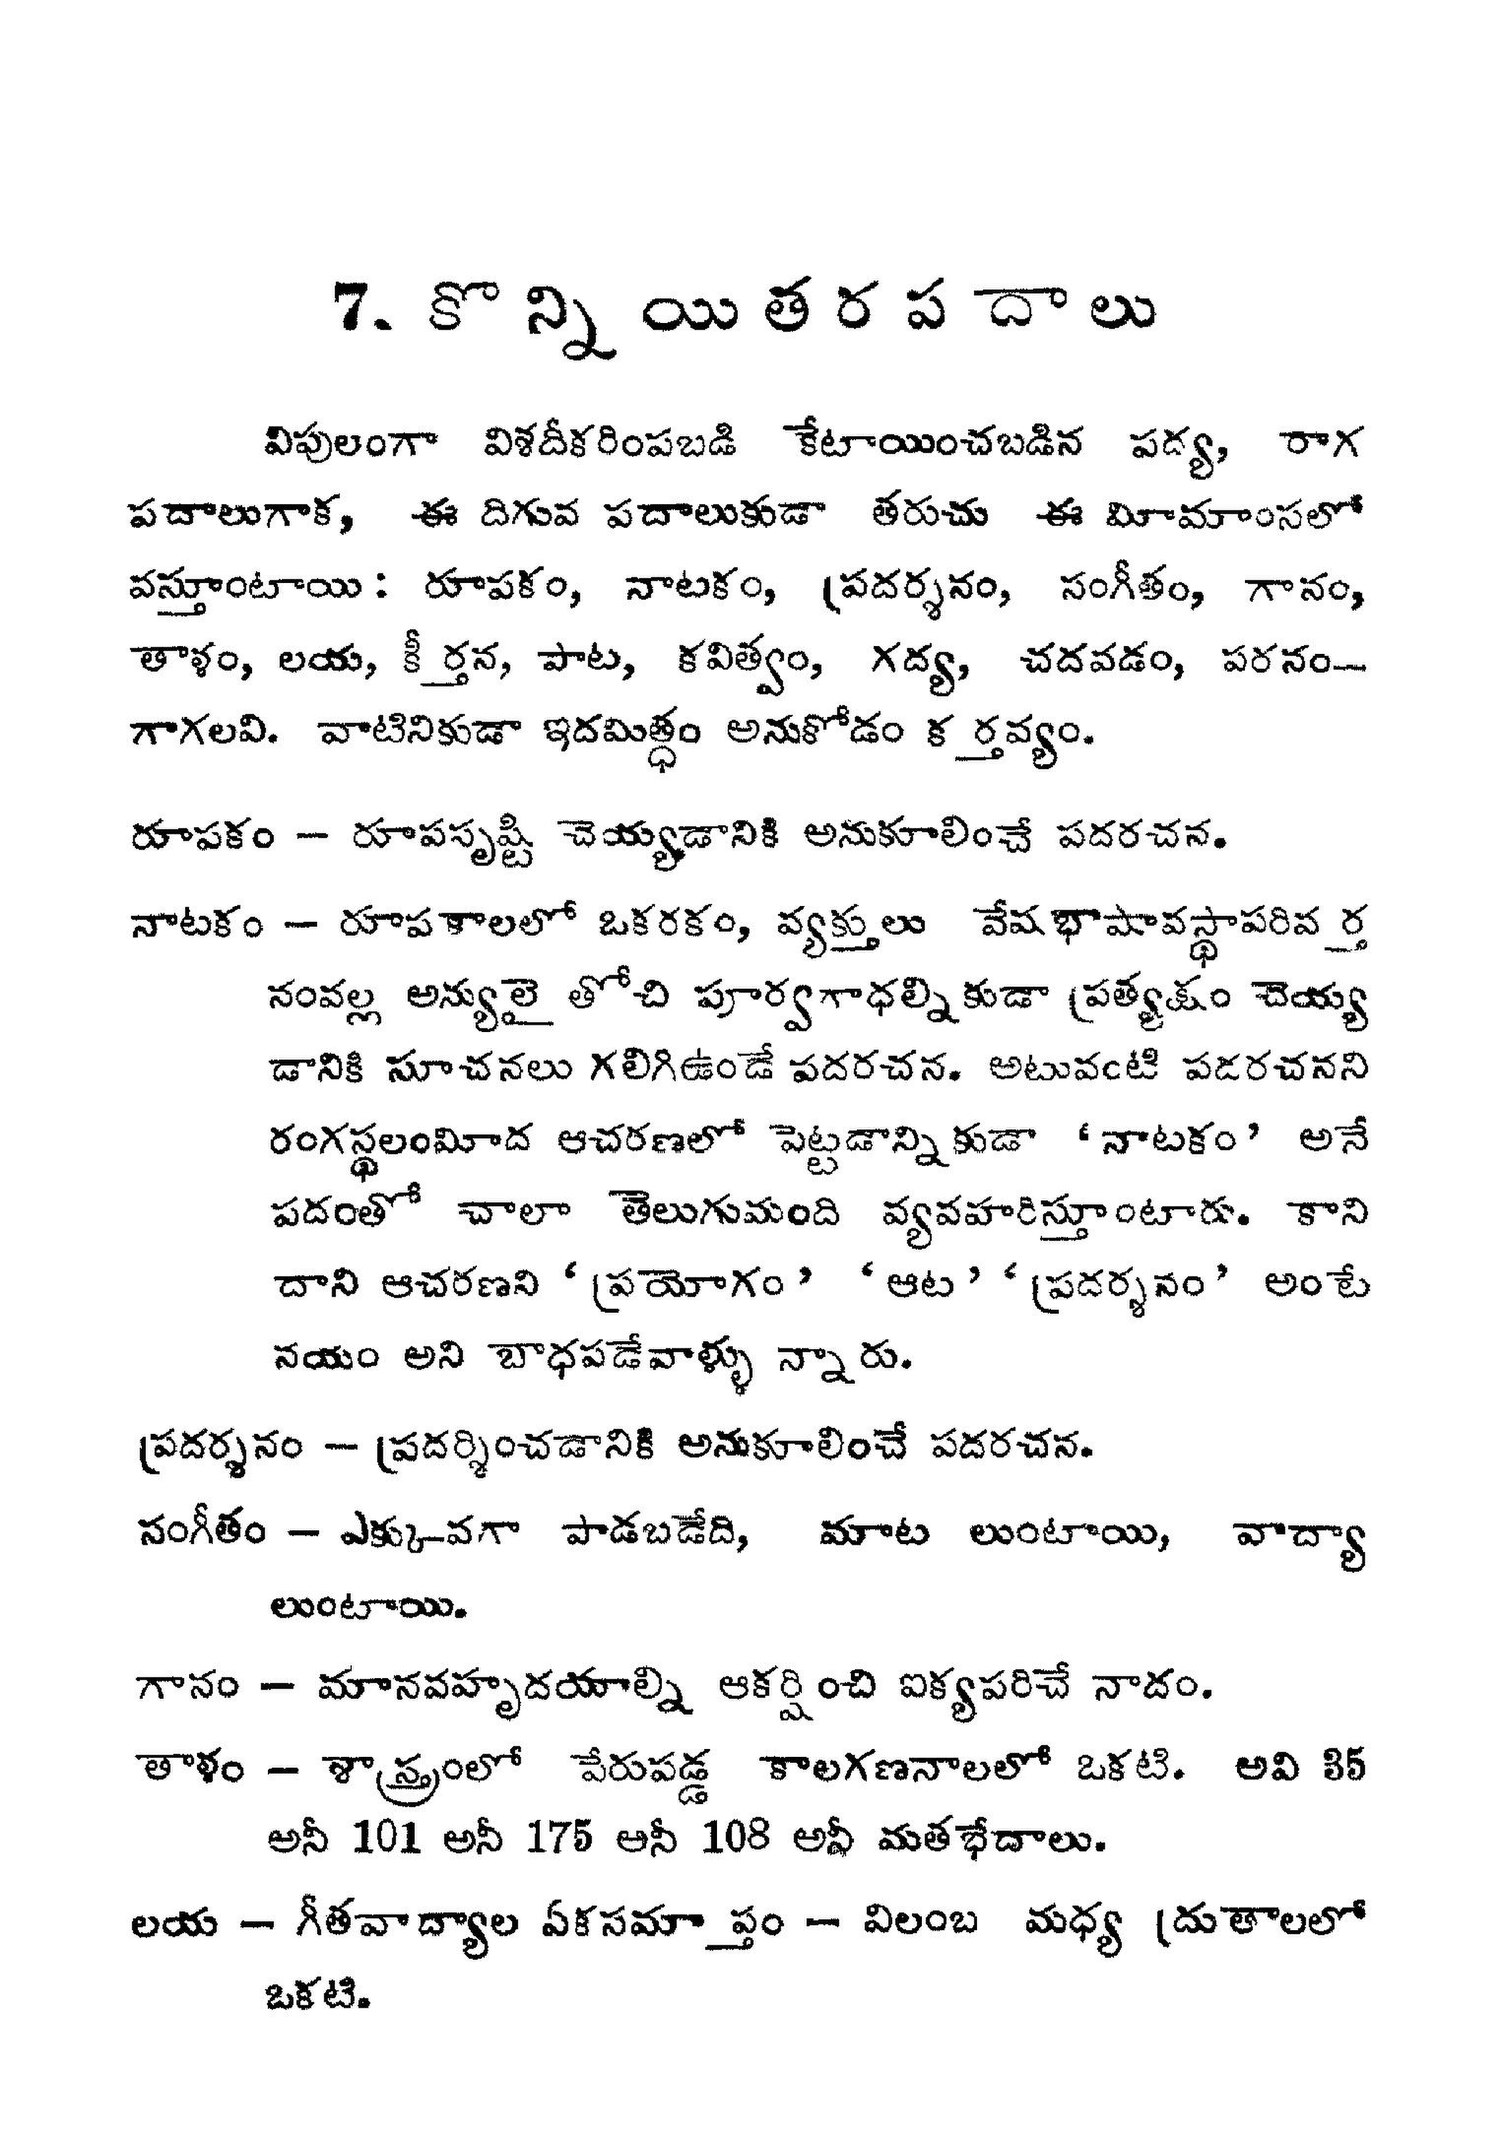7. కొన్ని యితరపదాలు

విపులంగా విశదీకరింపబడి కేటాయించబడిన పద్య, రాగ
పదాలుగాక, ఈ దిగువ పదాలుకుడా తరుచు ఈ మీమాంసలో
వస్తూంటాయి: రూపకం, నాటకం, ప్రదర్శనం, సంగీతం, గానం,
తాళం, లయ, కీర్తన, పాట, కవిత్వం, గద్య, చదవడం, పఠనం--.
గాగలవి. వాటినికుడా ఇదమిత్థం అనుకోడం కర్తవ్యం.

రూపకం - రూపసృష్టి చెయ్యడానికి అనుకూలించే పదరచన.

నాటకం - రూపకాలలో ఒకరకం, వ్యక్తులు వేషభాషావస్థాపరవర్త
నంవల్ల అన్యులై తోచి పూర్వగాధల్నికుడా ప్రత్యక్షం చెయ్య
డానికి సూచనలు గలిగిఉండే పదరచన. అటువంటి పదరచనని
రంగస్థలంమీద ఆచరణలో పెట్టడాన్నికుడా 'నాటకం' అనే
పదంతో చాలా తెలుగుమంది వ్యవహరిస్తూంటారు. కాని
దాని ఆచరణని 'ప్రయోగం' 'ఆట' 'ప్రదర్శనం' అంటే
నయం అని బాధపడేవాళ్ళు న్నారు.

ప్రదర్శనం – ప్రదర్శించడానికి అనుకూలించే పదరచన.

సంగీతం - ఎక్కువగా పాడబడేది, మాట లుంటాయి, వాద్యా 
లుంటాయి.

గానం – మానవహృదయాల్ని ఆకర్షించి ఐక్యపరిచే నాదం.

తాళం - శాస్త్రంలో పేరుపడ్డ కాలగణనాలలో ఒకటి. అవి 35
అనీ 101 అనీ 175 అనీ 108 అనీ మతభేదాలు.

లయ - గీతవాద్యాల ఏకసమాప్తం - విలంబ మధ్య ద్రుతాలలో
ఒకటి.